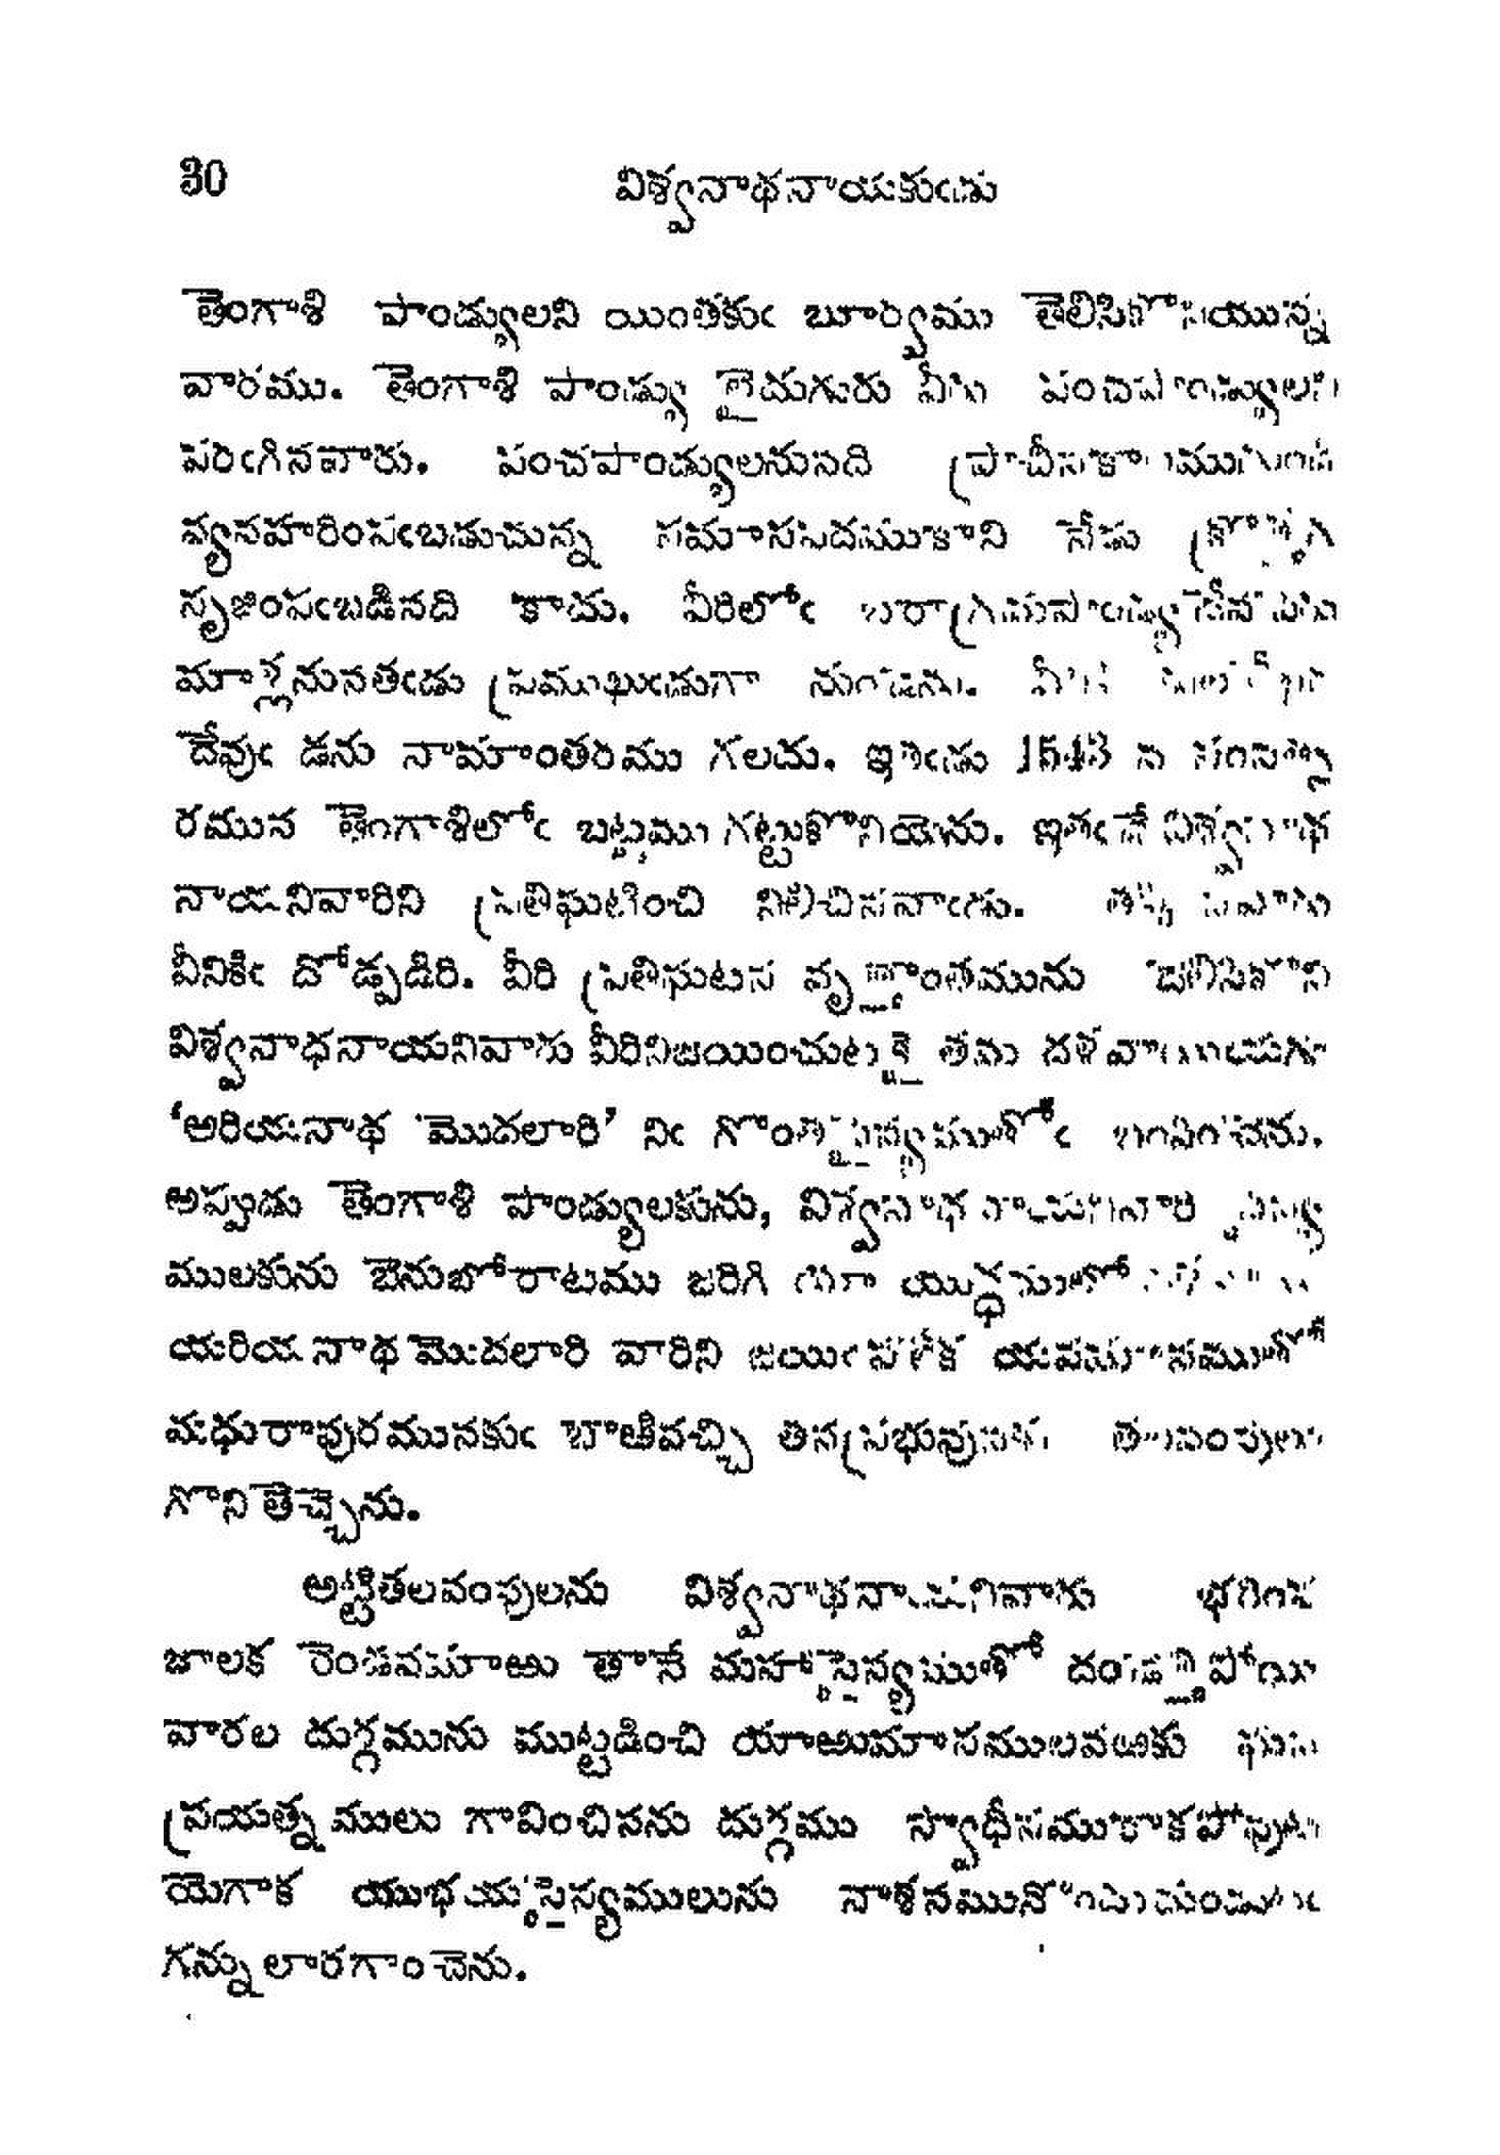తెంగాశి పాండ్యులని యింతకుఁ బూర్వము తెలిసికొనియున్న వారము. తెంగాశి పాండ్యు లైదుగురు వీరు పంచపాండ్యులని పరఁగినవారు. పంచపాండ్యులనునది ప్రాచీనకాలమునుండి వ్యవహరింపబడుచున్న సమాసపదముకాని నేడు క్రొత్తగ సృజింపఁబడినది కాదు. వీరిలోఁ బరాగ్రమపాండ్య దేవపెరుమాళ్లనునతఁడు ప్రముఖుఁడుగా నుండెను. వీరికి కులశేఖరదేవుఁ డను నామాంతరము గలదు. ఇతఁడు 1543 వ సంవత్సరమున తెంగాశిలోఁ బట్టము గట్టుకొనియెను. ఇతఁడే విశ్వనాథనాయనివారిని ప్రతిఘటించి నిలిచినవాఁడు. తక్కినవారు వీనికిఁ దోడ్పడిరి. వీరి ప్రతిఘటన వృత్తాంతమును దెలిసికొని విశ్వనాథనాయనివారు వీరినిజయించుటకై తమ దళవాయియగు 'అరియనాథ మొదలారి' నిఁ గొంతసైన్యముతోఁ బంపించెను. అప్పుడు తెంగాశి పాండ్యులకును, విశ్వనాథనాయనివారి సైన్యములకును బెనుపోరాటము జరిగి యా యుద్ధములో దళవాయి యరియనాథమొదలారి వారిని జయింపలేక యవమానముతో మధురాపురమునకుఁ బాఱివచ్చి తనప్రభువునకు తలవంపులు గొనితెచ్చెను.

అట్టితలవంపులను విశ్వనాథనాయనివారు భరింప జాలక రెండవమాఱు తానే మహాసైన్యముతో దండెత్తిపోయి వారల దుర్గమును ముట్టడించి యాఱుమాసములవఱకు ఘన ప్రయత్నములు గావించినను దుర్గము స్వాధీనమురాకపోవుటయెగాక యుభయసైన్యములును నాశనమునొందుచుండుటఁ గన్నులారగాంచెను.